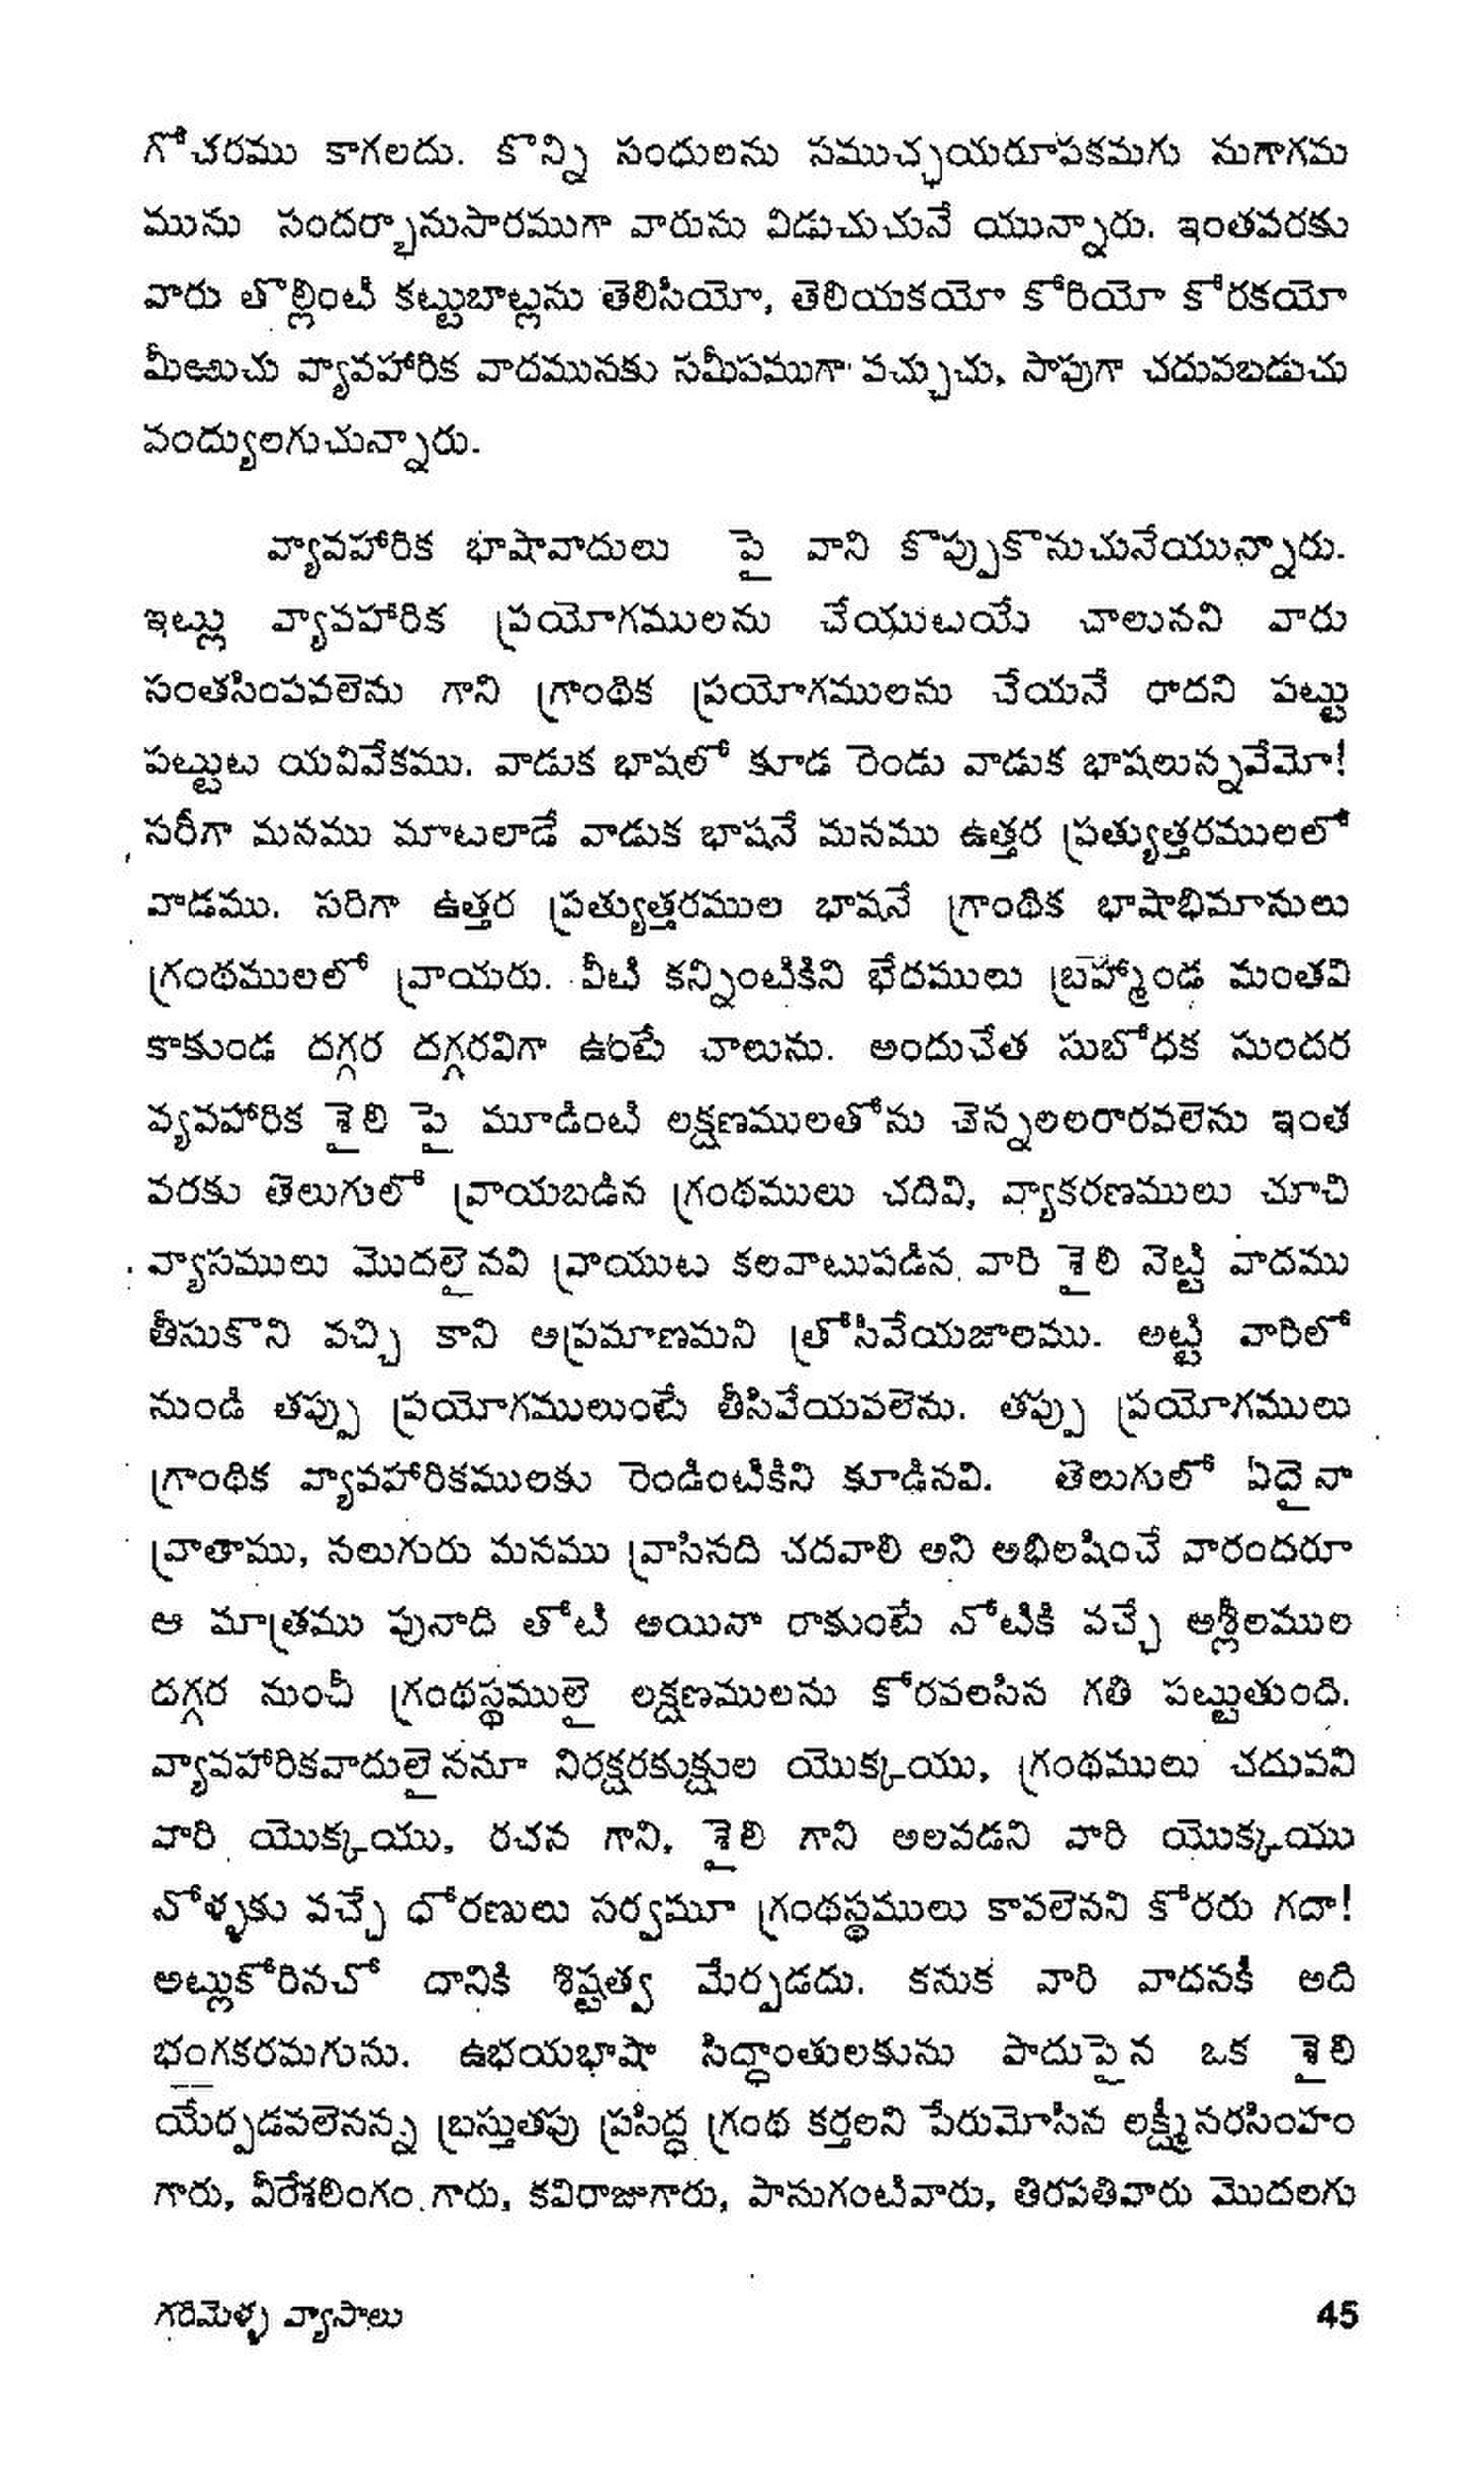గోచరము కాగలదు. కొన్ని సంధులను సముచ్ఛయరూపకమగు నుగాగమమును సందర్భానుసారముగా వారును విడుచుచునే యున్నారు. ఇంతవరకు వారి తొల్లింటి కట్టుబాట్లను తెలిసియో, తెలియకయో కోరియో కోరకయో మీఱుచు వ్యావహారిక వాదమునకు సమీపముగా వచ్చుచు, సాపుగా చదువబడుచు వంద్యులగుచున్నారు.

వ్యావహారిక భాషావాదులు పై వాని కొప్పుకొనుచునేయున్నారు. ఇట్లు వ్యావహారిక ప్రయోగములను చేయుటయే చాలునని వారు సంతసింపవలెను గాని గ్రాంథిక ప్రయోగములను చేయనే రాదని పట్టు పట్టుట యవివేకము వాడుక భాషలో కూడ రెండు వాడుక భాషలున్నవేమో! సరిగా మనము మాటలాడే వాడుక భాషనే మనము ఉత్తర ప్రత్యుత్తరములలో వాడము. సరిగా ఉత్తర ప్రత్యుత్తరముల భాషనే గ్రాంథిక భాషాభిమానులు గ్రంథములలో వ్రాయరు. వీటి కన్నింటికిని భేదములు బ్రహ్మాండ మంతవి కాకుండ దగ్గర దగ్గరవిగా ఉంటే చాలును. ఆందుచేత సుబోదక సుందర వ్యవహారిక శైలి పై మూడింటి లక్షణములతోను చెన్నలలరారవలెను ఇంతవరకు తెలుగులో వ్రాయబడిన గ్రంథములు చదివి, వ్యాకరణములు చూచి వ్యాసములు మొదలైనవి వ్రాయుట కలవాటుపడిన వారి శైలి నెట్టి వాదము తీసుకొని వచ్చి కాని అప్రమాణమని త్రోసివేయజాలము. అట్టి వారిలోనుండి తప్పు ప్రయోగములుంటే తీసివేయవలెను. తప్పు ప్రయోగములు గ్రాంథిక వ్యావహారికములకు రెండింటికిని కూడినవి. తెలుగులో ఏదైనా వ్రాతాము, నలుగురు మనము వ్రాసినది చదవాలి అని అభిలషించే వారందరూ ఆ మాత్రము పునాది తోటి అయినా రాకుంటే నోటికి వచ్చే అశ్లీలముల దగ్గర నుంచీ గ్రంథస్థములై లక్షణములను కోరవలసిన గతి పట్టుతుంది. వ్యావహారికవాదులైననూ నిరక్షరకుక్షుల యొక్కయు, గ్రంథములు చదువని వారి యొక్కయు, రచన గాని, శైలి గాని అలవడని వారి యొక్కయు నోళ్ళకు వచ్చే ధోరణులు సర్వమూ గ్రంథస్థములు కావలెనని కోరరు గదా! అట్లుకోరినచో దానికి శిష్టత్వ మేర్పడదు. కనుక వారి వాదనకీ అది భంగకరమగును. ఉభయభాషా సిద్ధాంతులకును పొదుపైన ఒక శైలి యేర్పడవలెనన్న బ్రస్తుతపు ప్రసిద్ధ గ్రంథ కర్తలని పేరుమోసిన లక్ష్మీనరసింహంగారు, వీరేశలింగం గారు, కవిరాజుగారు, పానుగంటివారు తిరుపతివారు మొదలగు